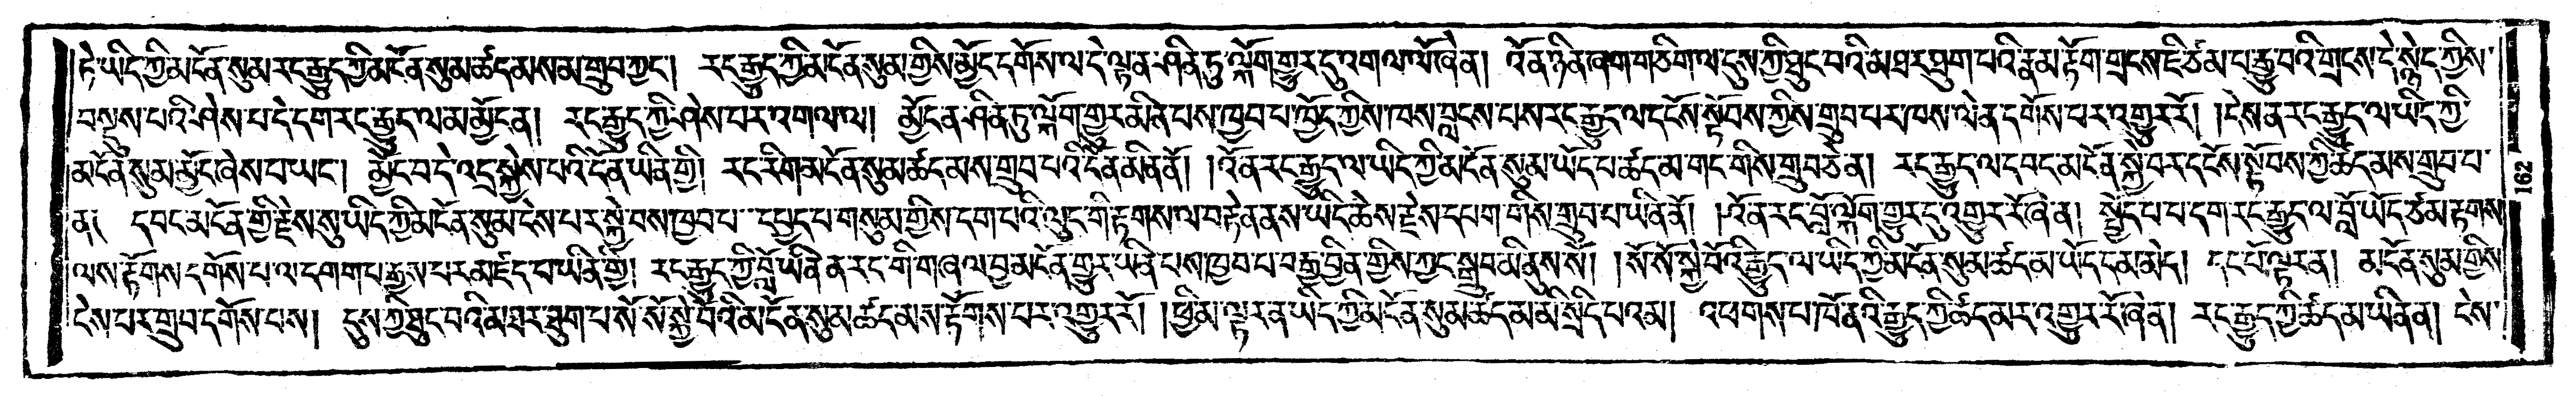ཏེ་ཡིད་ཀྱི་མངོན་སུམ་རང་རྒྱུད་ཀྱི་མངོན་སུམ་ཚད་མས་མ་གྲུབ་ཀྱང་། རང་རྒྱུད་ཀྱི་མངོན་སུམ་གྱིས་མྱོང་དགོས་ལ་དེ་ལྟ་ན་ཤིན་ཏུ་ལྐོག་གྱུར་དུ་འགལ་ལོ་ཞེ་ན། འོ་ན་ཉིན་ཞག་གཅིག་ལ་དུས་ཀྱི་ཐུང་བའི་མཐར་ཐུག་པའི་རྣམ་རྟོག་གྲངས་ཇི་ཙམ་པ་རྒྱུ་བའི་གྲངས་དེ་སྙེད་ཀྱིས་
བསྡུས་པའི་ཤེས་པ་དེ་དག་རང་རྒྱུད་ལ་མ་མྱོང་ན། རང་རྒྱུད་ཀྱི་ཤེས་པར་འགལ་ལ། མྱོང་ན་ཤིན་ཏུ་ལྐོག་གྱུར་མིན་པས་ཁྱབ་པ་ཁྱོད་ཀྱིས་ཁས་བླངས་པས་རང་རྒྱུད་ལ་དངོས་སྟོབས་ཀྱིས་གྲུབ་པར་ཁས་ལེན་དགོས་པར་འགྱུར་རོ། །དེས་ན་རང་རྒྱུད་ལ་ཡིད་ཀྱི་
མངོན་སུམ་མྱོང་ཞེས་པ་ཡང་། མྱོང་བ་དེ་འདྲ་སྐྱེས་པའི་དོན་ཡིན་གྱི། རང་རིག་མངོན་སུམ་ཚད་མས་གྲུབ་པའི་དོན་མིན་ནོ། །འོ་ན་རང་རྒྱུད་ལ་ཡིད་ཀྱི་མངོན་སུམ་ཡོད་པ་ཚད་མ་གང་གིས་གྲུབ་ཅེ་ན། རང་རྒྱུད་ལ་དབང་མངོན་སྐྱེ་བར་དངོས་སྟོབས་ཀྱི་ཚད་མས་གྲུབ་པ་
ན། དབང་མངོན་གྱི་རྗེས་སུ་ཡིད་ཀྱི་མངོན་སུམ་ངེས་པར་སྐྱེ་བས་ཁྱབ་པ་དཔྱད་པ་གསུམ་གྱིས་དག་པའི་ལུང་གི་རྟགས་ལ་བརྟེན་ནས་ཡིད་ཆེས་རྗེས་དཔག་གིས་གྲུབ་པ་ཡིན་ནོ། །འོ་ན་རང་བློ་ལྐོག་གྱུར་དུ་འགྱུར་རོ་ཞེ་ན། སྤྱོད་པ་པ་དག་རང་རྒྱུད་ལ་བློ་ཡོད་ཙམ་རྟགས་
ལས་རྟོགས་དགོས་པ་ལ་དགག་པ་རྒྱས་པར་མཛད་པ་ཡིན་གྱི། རང་རྒྱུད་ཀྱི་བློ་ཡིན་ན་རང་གི་གཞལ་བྱ་མངོན་གྱུར་ཡིན་པས་ཁྱབ་པ་བརྒྱ་བྱིན་གྱིས་ཀྱང་སྒྲུབ་མི་ནུས་སོ། །སོ་སོ་སྐྱེ་བོའི་རྒྱུད་ལ་ཡིད་ཀྱི་མངོན་སུམ་ཚད་མ་ཡོད་དམ་མེད། དང་པོ་ལྟར་ན། མངོན་སུམ་གྱིས་
ངེས་པར་གྲུབ་དགོས་པས། དུས་ཀྱི་ཐུང་བའི་མཐར་ཐུག་པ་སོ་སོ་སྐྱེ་བོའི་མངོན་སུམ་ཚད་མས་རྟོགས་པར་འགྱུར་རོ། །ཕྱི་མ་ལྟར་ན་ཡིད་ཀྱི་མངོན་སུམ་ཚད་མ་མི་སྲིད་པའམ། འཕགས་པ་ཁོ་ནའི་རྒྱུད་ཀྱི་ཚད་མར་འགྱུར་རོ་ཞེ་ན། རང་རྒྱུད་ཀྱི་ཚད་མ་ཡིན་ན། ངེས་